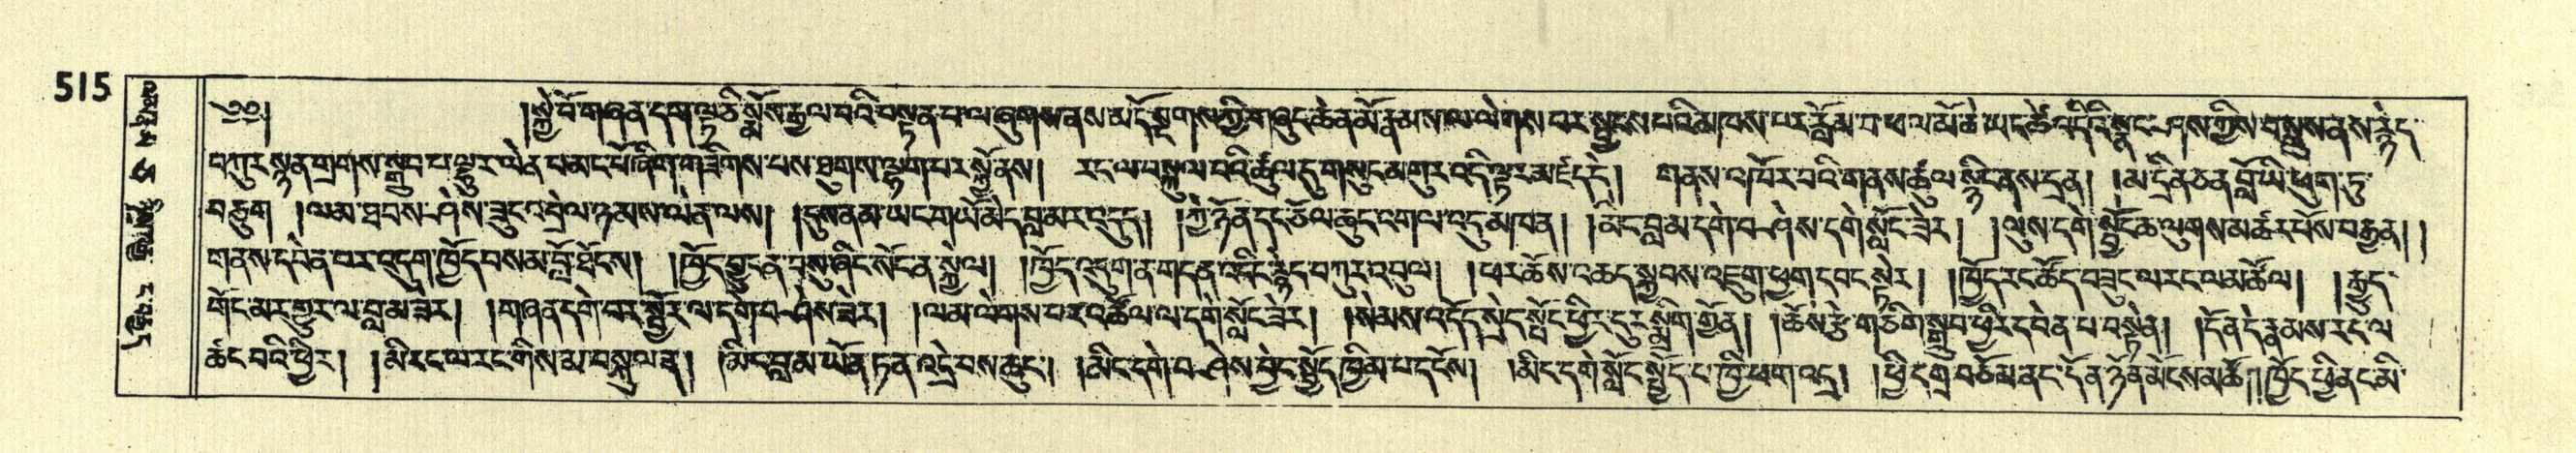༄༅། །སྐྱེ་བོ་གཞན་དག་ལྟ་ཅི་སྨོས་རྒྱལ་བའི་བསྟན་པ་ལ་ཞུགས་ནས་མདོ་སྔགས་ཀྱི་གཞུང་ཆེན་མོ་རྣམས་ལ་ལེགས་པར་སྦྱངས་པའི་མཁས་པར་རློམ་པ་ཕལ་མོ་ཆེ་ཡང་ཚེ་འདིའི་སྣང་ཤས་ཀྱིས་བསླུས་ནས་རྙེད་
བཀུར་སྙན་གྲགས་སྒྲུབ་པ་ལྷུར་ལེན་པ་མང་པོ་ཞིག་གཟིགས་པས་ཐུགས་ལྷག་པར་སྐྱོ་ནས། རང་ལ་བསྐུལ་བའི་ཚུལ་དུ་གསུང་མགུར་འདི་ལྟར་མཛད་དེ། གནས་འཁོར་བའི་གནས་ཚུལ་སྙིང་ནས་དྲན། །མ་དྲིན་ཅན་བློ་ཡི་ཕུག་ཏུ་
བཅུག །ལམ་ཐབས་ཤེས་ཟུང་འབྲེལ་ཉམས་ལེན་ལས། །དུས་ནམ་ཡང་གཡོ་མེད་བླ་མར་འདུད། །ཀྱེ་ཉོན་དང་ཆོལ་ཆུང་འགལ་འདུ་མཁན། །མིང་བླ་མ་དགེ་བཤེས་དགེ་སློང་ཟེར། །ལུས་དགེ་སྦྱོང་ཆ་ལུགས་མཚར་པོས་བརྒྱན། །
གནས་དབེན་པར་འདུག་ཁྱོད་བསམ་བློ་ཐོངས། །ཁྱོད་བྱུང་ན་བསུ་ཞིང་སོང་ན་སྐྱེལ། །ཁྱོད་འདུག་ན་གདན་འདིང་རྙེད་བཀུར་འབུལ། །ཕར་ཆོས་འཆད་སྐྱབས་འཇུག་ཕྱག་དབང་སྟེར། །ཁྱོད་རང་ཚོད་བཟུང་ལ་རང་ལམ་ཚོལ། །རྒྱུད་
གོང་མར་གྱུར་ལ་བླ་མ་ཟེར། །གཞན་དགེ་བར་སྦྱོར་ལ་དགེ་བཤེས་ཟེར། །ལམ་ལེགས་པར་འཚོལ་ལ་དགེ་སློང་ཟེར། །སེམས་འདོད་སྲེད་སྤོང་ཕྱིར་དུར་སྨྲིག་གྱོན། །ཆོས་རྩེ་གཅིག་སྒྲུབ་ཕྱིར་དབེན་པ་བསྟེན་།དོན་དེ་རྣམས་རང་ལ་
ཚང་བའི་ཕྱིར། །མི་རང་ལ་རང་གིས་མ་བསྐུལ་ན། །མིང་བླ་མ་ཡོན་ཏན་འདྲེབས་ཆུང་། །མིང་དགེ་བཤེས་བྱེད་སྦྱོང་ཁྱིམ་པ་དངོས། །མིང་དགེ་སློང་སྤྱོད་པ་ཁྱི་ཕག་འདྲ། །ཕྱི་དགྲ་བཅོམ་ནང་དོན་ཉོན་མོངས་མཚོ། །ཁྱོད་ཕྱི་ནང་མི་